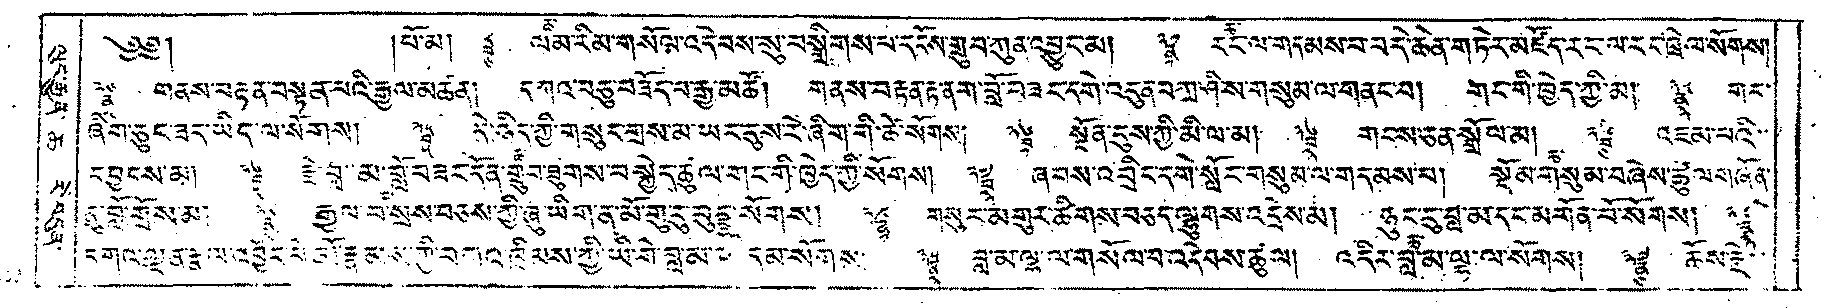༄༅། །པོ་མ། ༨་བ ༤་ཆ་ལམ་རིམ་གསོལ་འདེབས་སུ་བསྒྲིགས་པ་དངོས་གྲུབ་ཀུན་འབྱུང་མ། ༢༡་ན ༡་ཆ་རང་ལ་གདམས་པ་བདེ་ཆེན་གཏེར་མཛོད་རང་ལ་རང་ཁྲེལ་སོགས།
༢༤་ན ༥་?་གནས་བརྟན་བསྟན་པའི་རྒྱལ་མཚན། དཀའ་བཅུ་བཟོད་པ་རྒྱ་མཚོ། གནས་བརྟན་རྟ་ནག་བློ་བཟང་དགེ་འདུན་བཀྲ་ཤིས་གསུམ་ལ་གནང་བ། གང་གི་ཁྱེད་ཀྱི་མ། ༢༥་ན ༣་གང་
ཞིག་ཅུང་ཟད་ཡིད་ལ་སོགས། ༢༥་བ ༥་དེ་ཉིད་ཀྱི་གསུང་གྲས་མ་ཡང་དུས་རེ་ཞིག་གི་ཚེ་སོགས། ༢༦་བ ༢་སྔོན་དུས་ཀྱི་མི་ལ་མ། ༢༦་བ ༣་གངས་ཅན་སྒྲོལ་མ། ༢༦་བ ༤་འཇམ་པའི་
དབྱངས་མ། ༢༦་བ ༥་རྗེ་བླ་མ་བློ་བཟང་དོན་གྲུབ་ཆ་ཐུགས་བསྐྱེད་ཚུལ་གང་གི་ཁྱེད་ཀྱི་སོགས། ༢༧་བ ༣་ཞབས་འབྲིང་དགེ་སློང་གསུམ་ལ་གདམས་པ། སྡོམ་གསུམ་ཆ་བཞེས་ཚུལ་གཞོན་
ནུ་བློ་གྲོས་མ། ༢༨་ན ༣་རྒྱལ་བ་ཆ་སྲས་བཅས་ཀྱི་ཞུ་ཡིག་ན་མོ་གུ་རུ་བུདྡྷ་སོགས། ༢༩་ན ༡་གསུང་མགུར་ཚིགས་བཅད་ལྷུགས་འདྲེས་མ། ཉུང་ངུ་བླ་མ་དང་མགོན་པོ་སོགས། ༢༩་ན ༣
དགའ་ལྡན་རྣལ་འབྱོར་ཕོ་མོ་རྣམས་ཀྱི་བཀའ་ཁྲིམས་ཀྱི་ཡི་གེ་བླ་མ་ཡི་དམ་སོགས། ༣༥་ན ༣་བླ་མ་ལྷ་ལ་གསོལ་བ་འདེབས་ཚུལ། ཆ་འདིར་བླ་མ་ལྷ་ལ་སོགས། ༣༧་ན ༤་ཆོས་རྗེ་